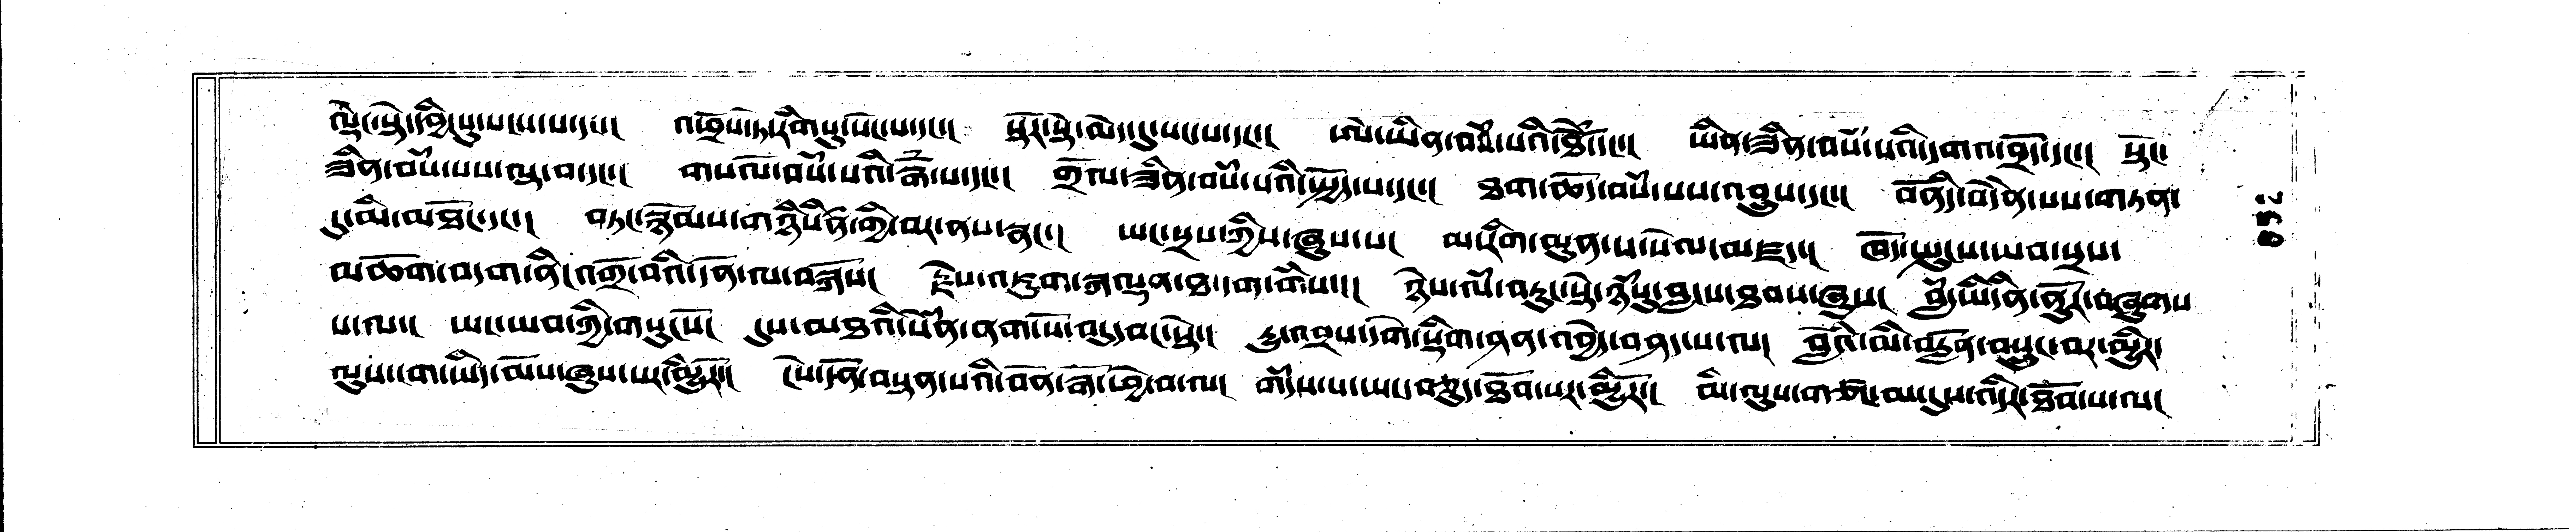ལྡེང་སྟེ་དབྱིངས་སུ་སངས་པ་དང་། །འཕྲོས་ཏེ་རིགས་སུ་སོང་པ་དང་། །སྟོར་སྟེ་མེད་དུ་སངས་པ་དང་། །ཨེ་ཡིན་བསམ་པའི་ཐེ་ཚོམ་དང་། །ཡིན་ཟིན་བསམ་པའི་དགའ་བྲོད་དང་། །སྟོང་
ཟིན་བསམ་པའི་ལྟ་བ་དང་། །གསལ་ལོ་བསམ་པའི་སྒོམ་པ་དང་། །གྲོལ་ཟིན་བསམ་པའི་སྤྱོད་པ་དང་། །ཐག་ཆོད་བསམ་པའི་འབྲས་བུ་དང་། །བོན་ཉིད་བདེ་ཆེན་པས་གཏན་
དུ་མི་མཐོང་དང་། བཏང་སྙོམས་གཉིས་འཛིན་གྱི་བར་ནས་སྣང་། ཡང་སྲས་ཀྱིས་ཞུས་པ། མ་རིག་མུན་པ་སེལ་མཛད། ཁོད་སྤུངས་ཡབ་སྲས་
མཆོག བདག་ནི་འགྲོ་བའི་དོན་ལ་བསྐོས། རྗེས་འཇུག་སྐལ་ལྡན་ཐ་དག་གིས། ཉེ་ལམ་བཏུང་སྟེ་ཉམས་སུ་བླང་ཐབས་ཞུས། བླ་མ་ཡིད་བཞིན་ནོར་བུ་བཞུགས་
པ་ལ། ཡང་ཡབ་ཀྱིས་གསུངས་སོ། །དུས་མཐའི་སེམས་ཅན་ནག་པོ་བདུད་དབང་སྟེ། །རྒྱུ་འབྲས་དགེ་སྡིག་ཤན་འབྱེད་བཤད་པ་ལ། །བློ་ཡིས་མི་བརློན་བསྲུང་བར་མི་འགྱུར་
ལུས་ངག་ཡིད་མོས་ཞུས་པར་མི་འགྱུར་རོ། །ངེས་དོན་བསྟན་པའི་བོན་སྒོ་ཕྱེ་བ་ལ། གདམས་པ་ཡང་བཅུད་ཐོབ་པར་མི་འགྱུར་རོ། །མི་ལུས་གཙང་མ་དུས་འདིར་ཐོབ་པ་ལ།